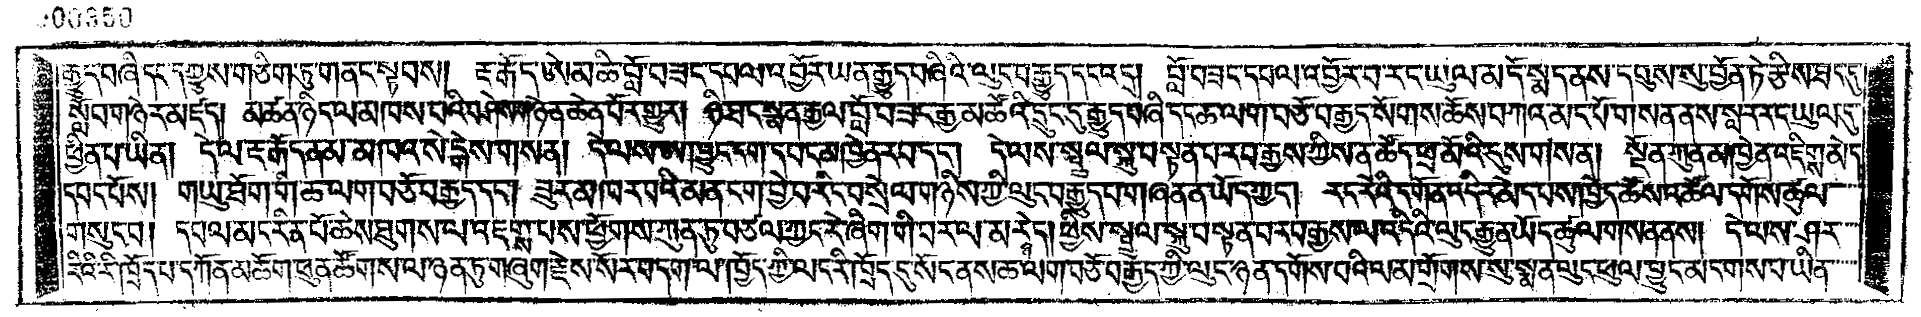རྒྱུད་བཞི་དང་དཀྱུས་གཅིག་ཏུ་གནང་སྟབས། རྔ་རྒོད་ཨེམ་ཆི་བློ་བཟང་དཔལ་འབྱོར་ཡན་རྒྱུད་བཞིའི་ལུང་བརྒྱུད་དང་འདྲ། བློ་བཟང་དཔལ་འབྱོར་བ་རང་ཡུལ་མདོ་སྨད་ནས་དབུས་སུ་བྱོན་ཏེ་རྩིས་ཐང་དུ་
སློབ་གཉེར་མཛད། མཚན་ཉིད་ལ་མཁས་པའི་བཤེས་གཉེན་ཆེན་པོར་གྱུར། ཉི་ཐང་སྨན་རྒྱལ་བློ་བཟང་རྒྱ་མཚོའི་དྲུང་དུ་རྒྱུད་བཞི་དང་ཆ་ལག་བཅོ་བརྒྱད་སོགས་ཆོས་བཀའ་མང་པོ་གསན་ནས་སླར་རང་ཡུལ་དུ་
ཕྱིན་པ་ཡིན། དེ་ལ་རྔ་རྒོད་ནམ་མཁའ་སེངྒེས་གསན། དེ་ལས་ཨ་ཁྱུང་ངག་དབང་མཁྱེན་རབ་དང་། དེ་ལས་སྤྲུལ་སྐུ་བསྟན་པ་རབ་རྒྱས་ཀྱིས་ན་ཚོད་ཕྲ་མོའི་དུས་གསན། སྔོན་ཀུན་མཁྱེན་འཇིགས་མེད་
དབང་པོས། གཡུ་ཐོག་གི་ཆ་ལག་བཅོ་བརྒྱད་དང་། ཟུར་མཁར་བའི་མན་ངག་བྱེ་བ་རིང་བསྲེལ་གཉིས་ཀྱི་ལུང་བརྒྱུད་པ་གཞན་ན་ཡོད་ཀྱང་། རང་རེའི་དགོན་འདིར་མེད་པས་ཁྱེད་ཆོས་འཚོལ་དགོས་ཚུལ་
གསུང་བ། དཔལ་མང་རིན་པོ་ཆེས་ཐུགས་ལ་འཇགས་པས་ཕྱོགས་ཀུན་ཏུ་བཙལ་ཀྱང་རེ་ཞིག་གི་བར་ལ་མ་རྙེད། ཕྱིས་སྤྲུལ་སྐུ་བསྟན་པ་རབ་རྒྱས་ལ་འདིའི་ལུང་རྒྱུན་ཡོད་ཚུལ་གསན་ནས། དེ་ལས་ཤར་
རིའི་རི་ཁྲོད་པ་དཀོན་མཆོག་ཕུན་ཚོགས་ལ་ཉན་ཏུ་གཞུག་རྗེས་སོར་བདག་ལ་ཁྱོད་ཀྱི་ལང་རི་ཁྲོད་དུ་སོང་ནས་ཆ་ལག་བཅོ་བརྒྱད་ཀྱི་ལུང་ཉན་དགོས་པའི་ལམ་གྲོགས་སུ་སྨན་ལུང་ཕུལ་བྱུང་མངགས་པ་ཡིན་